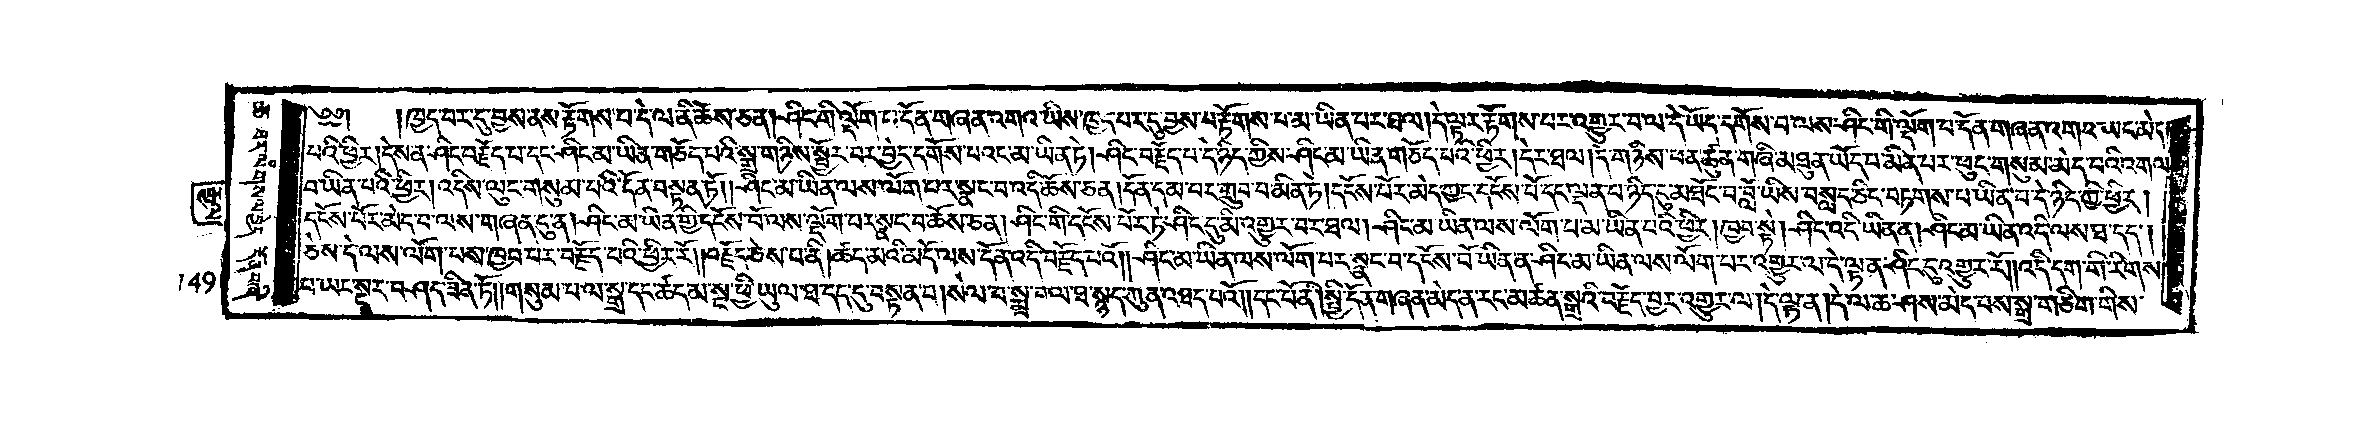༄༅། །ཁྱད་པར་དུ་བྱས་ནས་རྟོགས་པ་དེ་ལ་ནི་ཆོས་ཅན། ཤིང་གི་ལྡོག་པ་དོན་གཞན་འགའ་ཡིས་ཁྱད་པར་དུ་བྱས་པ་རྟོགས་པ་མ་ཡིན་པར་ཐལ། དེ་ལྟར་རྟོགས་པར་འགྱུར་བ་ལ་དེ་ཡོད་དགོས་པ་ལས་ཤིང་གི་ལྡོག་པ་དོན་གཞན་འགའ་ཡང་མེད་
པའི་ཕྱིར། དེས་ན་ཤིང་བརྗོད་པ་དང་ཤིང་མ་ཡིན་གཅོད་པའི་སྒྲ་གཉིས་སྦྱོར་བར་བྱེད་དགོས་པའང་མ་ཡིན་ཏེ། ཤིང་བརྗོད་པ་དེ་ཉིད་ཀྱིས་ཤིང་མ་ཡིན་གཅོད་པའི་ཕྱིར། དེར་ཐལ། དེ་གཉིས་ཕན་ཚུན་གཞི་མཐུན་ཡོད་པ་མིན་པར་ཕུང་གསུམ་མེད་པའི་འགལ་
བ་ཡིན་པའི་ཕྱིར། འདིས་ལུང་གསུམ་པའི་དོན་བསྟན་ཏོ། །ཤིང་མ་ཡིན་པ་ལས་ལོག་པར་སྣང་བ་འདི་ཆོས་ཅན། དོན་དམ་པར་གྲུབ་པ་མིན་ཏེ། དངོས་པོར་མེད་ཀྱང་དངོས་པོ་དང་ལྡན་པ་ཉིད་དུ་མཐོང་བ་བློ་ཡིས་བསླད་ཅིང་བཏགས་པ་ཡིན་པ་དེ་ཉིད་ཀྱི་ཕྱིར།
དངོས་པོར་མེད་པ་ལས་གཞན་དུ་ན། ཤིང་མ་ཡིན་གྱི་དངོས་པོ་ལས་ལྡོག་པར་སྣང་བ་ཆོས་ཅན། ཤིང་གི་དངོས་པོར་ཏེ་ཤིང་དུ་མི་འགྱུར་བར་ཐལ། ཤིང་མ་ཡིན་ལས་ལོག་པ་མ་ཡིན་པའི་ཕྱིར། ཁྱབ་སྟེ། ཤིང་འདི་ཡིན་ན། ཤིང་མ་ཡིན་འདི་ལས་ཐ་དད།
ཅེས་དེ་ལས་ལོག་པས་ཁྱབ་པར་བརྗོད་པའི་ཕྱིར་རོ། །བརྗོད་ཅེས་པ་ནི། ཚད་མའི་མདོ་ལས་དོན་འདི་བརྗོད་པའོ། །ཤིང་མ་ཡིན་ལས་ལོག་པར་སྣང་བ་དངོས་པོ་ཡིན་ན་ཤིང་མ་ཡིན་ལས་ལོག་པར་འགྱུར་ལ་དེ་ལྟ་ན་ཤིང་དུ་འགྱུར་རོ། །འདི་དག་གི་རིགས་
པ་ཡང་སྔར་བཤད་ཟིན་ཏོ། །གསུམ་པ་ལ་སྒྲ་དང་ཚད་མ་སྔ་ཕྱི་ཡུལ་ཐ་དད་དུ་བསྟན་པ། སེལ་བ་སྨྲ་བ་ལ་ཐ་སྙད་ཀུན་འཐད་པའོ། །དང་པོ་ནི། སྤྱི་དོན་གཞན་མེད་ན་རང་མཚན་སྒྲའི་བརྗོད་བྱར་འགྱུར་ལ། དེ་ལྟ་ན། དེ་ལ་ཆ་ཤས་མེད་པས་སྒྲ་གཅིག་གིས་